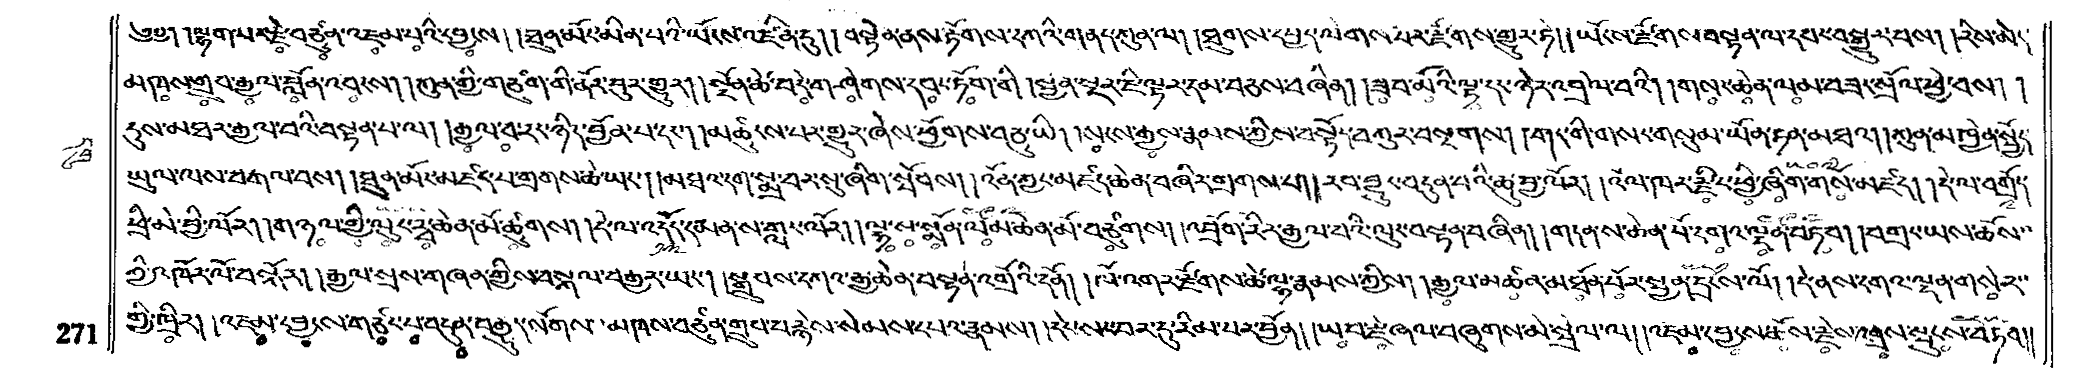༄༅། །ལྷག་པར་རྗེ་བཙུན་འཇམ་པའི་དབྱངས། །ཐུན་མོང་མིན་པའི་ཡོངས་འཛིན་དུ། །བསྟེན་ནས་རྟོགས་དཀའི་གནད་ཀུན་ལ། །ཐུགས་དཔྱད་ལེགས་པར་རྫོགས་གྱུར་ཏེ། །ཡོངས་རྫོགས་བསྟན་ལ་དབང་བསྒྱུར་བས། །རིས་མེད་
མཁས་གྲུབ་རྒྱལ་བློན་འབངས། །ཀུན་གྱི་གཙུག་གི་ནོར་བུར་གྱུར། །སྔོན་ཚེ་བདེ་གཤེགས་དབང་ཏོག་གི །སྤྱན་སྔར་ཇི་ལྟར་དམ་བཅས་བཞིན། །ཟབ་མོའི་ལྟ་དང་ཉེར་འབྲེལ་བའི། །གསང་ཆེན་ལམ་བཟང་སྲོལ་ཕྱེ་བས། །
དུས་མཐར་རྒྱལ་བའི་བསྟན་པ་ལ། །རྒྱལ་བ་རང་ཉིད་བྱོན་པ་དང་། །མཚུངས་པར་གྱུར་ཞེས་ཕྱོགས་བཅུ་ཡི། །སངས་རྒྱས་རྣམས་ཀྱིས་བསྟོད་བཀུར་བསྔགས། །གང་གི་གསང་གསུམ་ཡོན་ཏན་མཐའ། །ཀུན་མཁྱེན་སྤྱད་
ཡུལ་ལས་བརྒལ་བས། །ཐུན་མོང་མཛད་པ་གྲགས་ཆེ་ཡང་། །མཐའ་དག་སྨྲ་བར་སུ་ཞིག་སྤོབས། །འོན་ཀྱང་མཛད་ཆེན་བཞིར་གྲགས་པ། །རབ་བྱུང་བདུན་པའི་ཆུ་བྱ་ལོར། །འོལ་ཁར་རྫིང་ཕྱི་ཞིག་གསོ་མཛད། །དེ་ལ་བགྲོད་
ཕྲི་མེ་བྱི་ལོར། །གཉལ་གྱི་ལུང་རྭི་ཆེན་མོ་ཚུགས། །དེ་ལ་འདོད་དམན་ས་གླང་ལོར། །ལྟ་ས་སྨོན་ལམ་ཆེན་མོ་བཙུགས། །འབྲོག་རིར་རྒྱལ་བའི་ལུང་བསྟན་བཞིན། །གདན་ས་ཆེན་པོ་དགའ་ལྡན་བཏབ། །བགྲང་ཡས་ཆོས་
ཀྱི་འཁོར་ལོ་བསྐོར། །རྒྱལ་སྲས་གཞན་གྱིས་བསྐལ་བརྒྱར་ཡང་། །སྒྲུབས་དཀའ་རྒྱ་ཆེན་བསྟན་འགྲོའི་དོན། །ལོ་འགར་རྫོགས་ཚེ་ལྷ་རྣམས་ཀྱིས། །རྒྱལ་མཚན་མཐོན་པོར་སྤྱན་དྲངས་ལོ། །དེ་ནས་དགའ་ལྡན་གསེར་གྱི་ཁྲིར། །འཇམ་དབྱངས་གཙང་བ་བདུན་བརྒྱུད་སོགས་མཁས་བཙུན་གྲུབ་བརྙེས་སེམས་དཔའ་རྣམས། །དེང་སང་བར་དུ་རིམ་པར་བྱོན། །ཡབ་རྗེ་ཞལ་བཞུགས་མེ་སྤྲེལ་ལ། །འཇམ་དབྱངས་ཆོས་རྗེས་འབྲས་སྤུངས་བཏབ།།